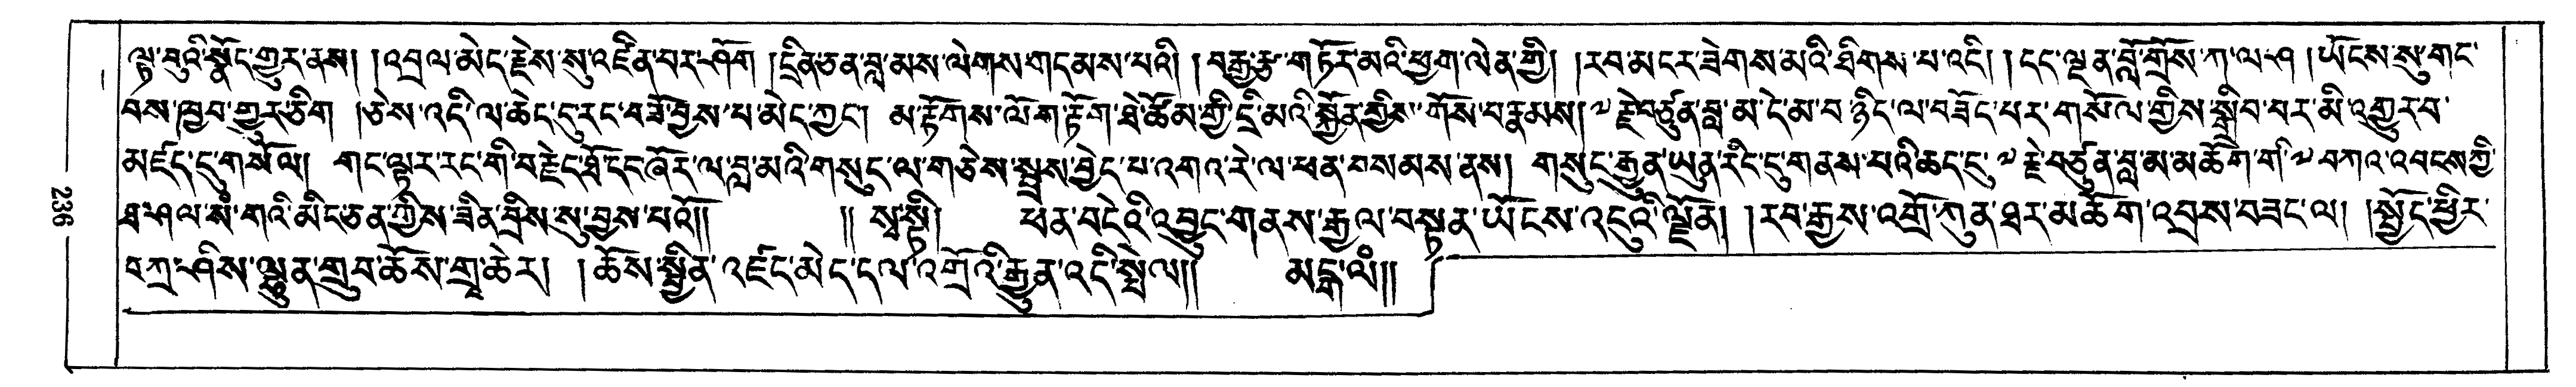ལྟ་བུའི་སྣོད་གྱུར་ནས། །འབྲལ་མེད་རྗེས་སུ་འཛིན་པར་ཤོག །དྲིན་ཅན་བླ་མས་ལེགས་གདམས་པའི། །བརྒྱ་རྩ་གཏོར་མའི་ཕྱག་ལེན་གྱི། །རབ་མངར་ཟེགས་མའི་ཐིགས་བ་འདིས། །དད་ལྡན་བློ་གྲོས་ཀ་ལ་ཤ། ཡོངས་སུ་གང་
བས་ཁྱབ་གྱུར་ཅིག །ཅེས་འདི་ལ་ཆེད་དུ་རང་བཟོ་བྱས་པ་མེད་ཀྱང་། མ་རྟོགས་ལོག་རྟོག་ཐེ་ཚོམ་གྱི་དྲི་མའི་སྐྱོན་གྱིས་གོས་པ་རྣམས། ༧རྗེ་བཙུན་བླ་མ་དམ་པ་ཉིད་ལ་བཟོད་པར་གསོལ་གྱིས་སྒྲིབ་བར་མི་འགྱུར་བ་
མཛད་དུ་གསོལ། གང་ལྟར་རང་གི་བརྗེད་ཐོ་དང་ཞོར་ལ་བླ་མའི་གསུང་ལ་གཅེས་སྤྲས་བྱེད་བ་འགའ་རེ་ལ་ཕན་བསམས་ནས། གསུང་རྒྱུན་ཡུན་རིང་དུ་གནས་པའི་ཆེད་དུ ༧རྗེ་བཙུན་བླ་མ་མཆོག་གི ༧བཀའ་འབངས་ཀྱི་
ཐ་ཤལ་སཾ་གྷའི་མིང་ཅན་གྱིས་ཟིན་བྲིས་སུ་བྱས་པའོ།། །།སྭསྟི། ཕན་བདེའི་འབྱུང་གནས་རྒྱལ་བསྟན་ཡོངས་འདུའི་ལྗོན། །རབ་རྒྱས་འགྲོ་ཀུན་ཐར་མཆོག་འབྲས་བཟང་ལ། །སྤྱོད་ཕྱིར་
བཀྲ་ཤིས་ལྷུན་གྲུབ་ཆོས་གྲྭ་ཆེར། །ཆོས་སྦྱིན་འཛད་མེད་དལ་འགྲོའི་རྒྱུན་འདི་སྤེལ།། མངྒ་ལཾ།།